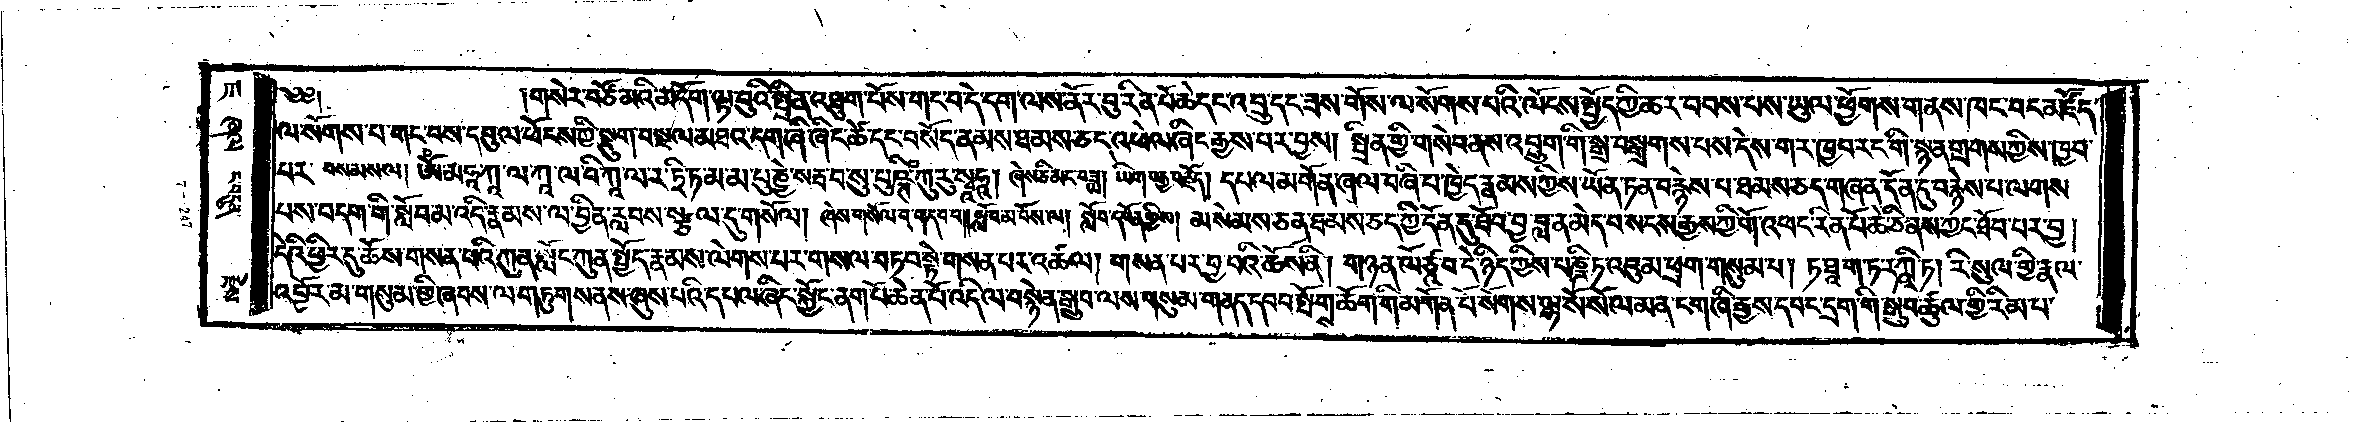༄༅། །གསེར་བཙོ་མའི་མདོག་ལྟ་བུའི་སྦྱིན་འཐུག་པོས་གང་བདེ་དག་ལས་ནོར་བུ་རིན་པོ་ཆེ་དང་འབྲུ་དང་ཟས་གོས་ལ་སོགས་པའི་ལོངས་སྤྱོད་ཀྱི་ཆར་བབས་བས་ཡུལ་ཕྱོགས་གནས་ཁང་བད་མཛད་
ལ་སོགས་པ་གང་པས་དབུལ་ཕོངས་ཀྱི་སྡུག་བསྔལ་མཐའ་དག་ཞི་ཞིང་ཚོ་དང་བསོད་ནམས་ཐམས་ཅད་འཕེལ་ཞིང་རྒྱས་པར་བྱས། སྤྲིན་གྱི་གསེབ་ནས་འབྲུག་གི་སྒྲ་བསྒྲགས་པས་དེས་གར་ཁྱབ་རང་གི་སྙན་གྲགས་ཀྱིས་ཁྱབ་
པར་བསམས་ལ། ཨོཾ་མྷཱ་ཀཱ་ལ་ཀཱ་ལ་བི་ཀཱ་ལར་ཏི་ཏ་མ་མ་བུ་ཉེ་སརྦ་བ་སུ་པུ་ཥྚིཨཾ་ཀུ་རུ་སྭཱ་ཧཱ། ཞེས་ནི་མང་བཟླ། ཡིག་བརྒྱ་བརྗོད།  དཔལ་མགོན་ཞལ་བཞི་པ་ཁྱེད་རང་ཀྱི་ཡོན་ཏན་བརྙེས་པ་ཐམས་ཅད་གཞན་དོ་དུ་བརྙེས་པ་ལགས་
པས་བདག་གི་སློབ་མ་འདི་རྣམས་ལ་བྱིན་རླབས་སྩལ་དུ་གསོལ། ་ཞེས་གསལ་བ་གདབ་བོ། །སློབ་མ་བོས་ལ། སློབ་དཔོན་གྱིས།  མ་སེམས་ཅན་ཐམས་ཅད་ཀྱི་དོན་དུ་ཐོ་བྱ་བླ་ན་མེད་པ་སངས་རྒྱས་ཀྱི་གོ་འཕང་རིན་པོ་ཆེ་ཅི་ནས་ཀྱང་ཐོབ་པར་བྱ།
དེའི་ཕྱིར་དུ་ཆོས་གསན་པའི་ཀུན་སློང་ཀུན་སྤྱོད་རྣམས་ལེགས་པར་གསལ་བཏབ་སྟེ་གསན་པར་འཚལ། གསན་པར་བྱ་བའི་ཆོས་ནི། གཉན་ལོ་ཙཱ་བ་དེ་ཉིད་ཀྱི་པན་ཏི་ཏ་འབུམ་དཔག་གསུམ་པ། ཏ་མཐའ་ག་ཏ་ར་ཀྵི་ཏ། རི་སུ་ལ་གྱི་རྣལ་
འབྱོར་མ་གསུམ་གྱི་ཞབས་ལ་གཏུགས་ནས་ཞུས་པའི་དཔལ་ཞིང་སྐྱོང་ནག་པོ་ཆེ་པོ་འདི་ལ་བསྙེན་སྒྲུབ་ལས་གསུམ་གནད་དཔང་བ་སོགས་ཆོག་གི་མགོན་པོ་སོགས་ལྷ་སོ་སོ་ལ་མན་ངག་ཞི་རྒྱས་དབང་དྲག་གི་སྒྲུབ་ཚུལ་གྱི་རིམ་པ་